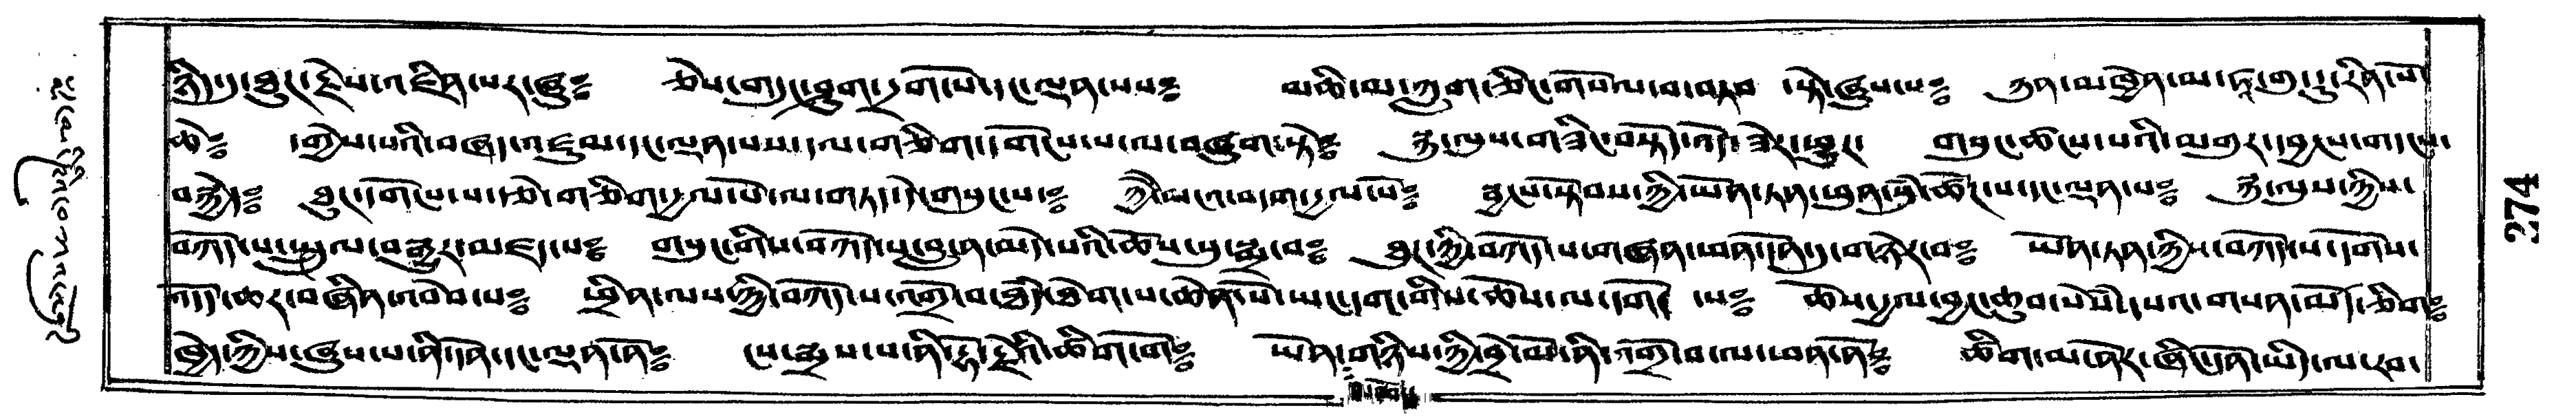ཉིད་དུ་ཐུགས་རྗེས་འཛིན་པར་ཞུ༔ ཅེས་གདུང་ཤུགས་དྲག་པོ་དང་ལྡན་པས༔ མཆི་མ་བླགས་ཤིང་གསོལ་བ་བཏབ་སྟེ་ཞུས་པ༔ ཀུན་མཁྱེན་མ་ཧཱ་གུ་རུ་རིན་པོ་
ཆེ༔ དགྱེས་པའི་བཞད་འཛུམ་དང་ལྡན་པས་དར་གཅིག་དགོངས་པ་ལ་བཞུགས་ཏེ༔ སྐུ་ལུས་གཟེངས་བསྟོད་འོད་ཟེར་ཕྱུང༔ གསུང་ཚངས་པའི་མགུར་དབྱངས་གདངས་
བསྐྱེད༔ ཐུགས་དགོངས་པ་རྩེ་གཅིག་རྒྱལ་པོ་ལ་གཏད་དེ་གསུངས་པ༔ ཀྱཻ་མངའ་བདག་རྒྱལ་པོ༔ སྦྱངས་སྟོབས་ཀྱི་ཡོན་ཏན་ཕུན་སུམ་ཚོགས་པ་དང་ལྡན་པ༔ སྐུ་ལུས་ཀྱིས་
བཀོད་པ་སྤྲུལ་བསྒྱུར་མཛད་པ༔ གསུང་གིས་བཀོད་པ་བླ་ན་མེད་པའི་ཆོས་སུ་སྨྲ་བ༔ ཐུགས་ཀྱི་བཀོད་པ་གཞན་ཕན་དོན་དུ་གཉེར་བ༔ ཡོན་ཏན་ཀྱི་བཀོད་པ་དགོས་
འདོད་ཆར་བཞིན་འབེབས་པ༔ ཕྲིན་ལས་ཀྱི་བཀོད་པ་འགྲོ་བ་ཐམས་ཅད་ཐེག་པ་ཆེན་པོ་ཡང་དག་གི་ཆོས་ལ་འགོད་པ༔ ཆོས་རྒྱལ་བྱང་ཆུབ་སེམས་དཔའ་གསན་མཛོད་ཅིག༔
ཁྱེད་ཀྱིས་ཞུས་པ་ནི་དོན་དང་ལྡན་ནོ༔ ངས་སྨྲས་པ་ནི་རྡོ་རྗེའི་ཚིག་གོ༔ ཡོན་མཆོད་གཉིས་ཀྱི་བྲེ་མོ་ནི་འགྲོ་བ་ལ་ཕན་ནོ༔ ཚིག་མ་ནོར་ཞིང་དོན་ཡིད་ལ་རབ་